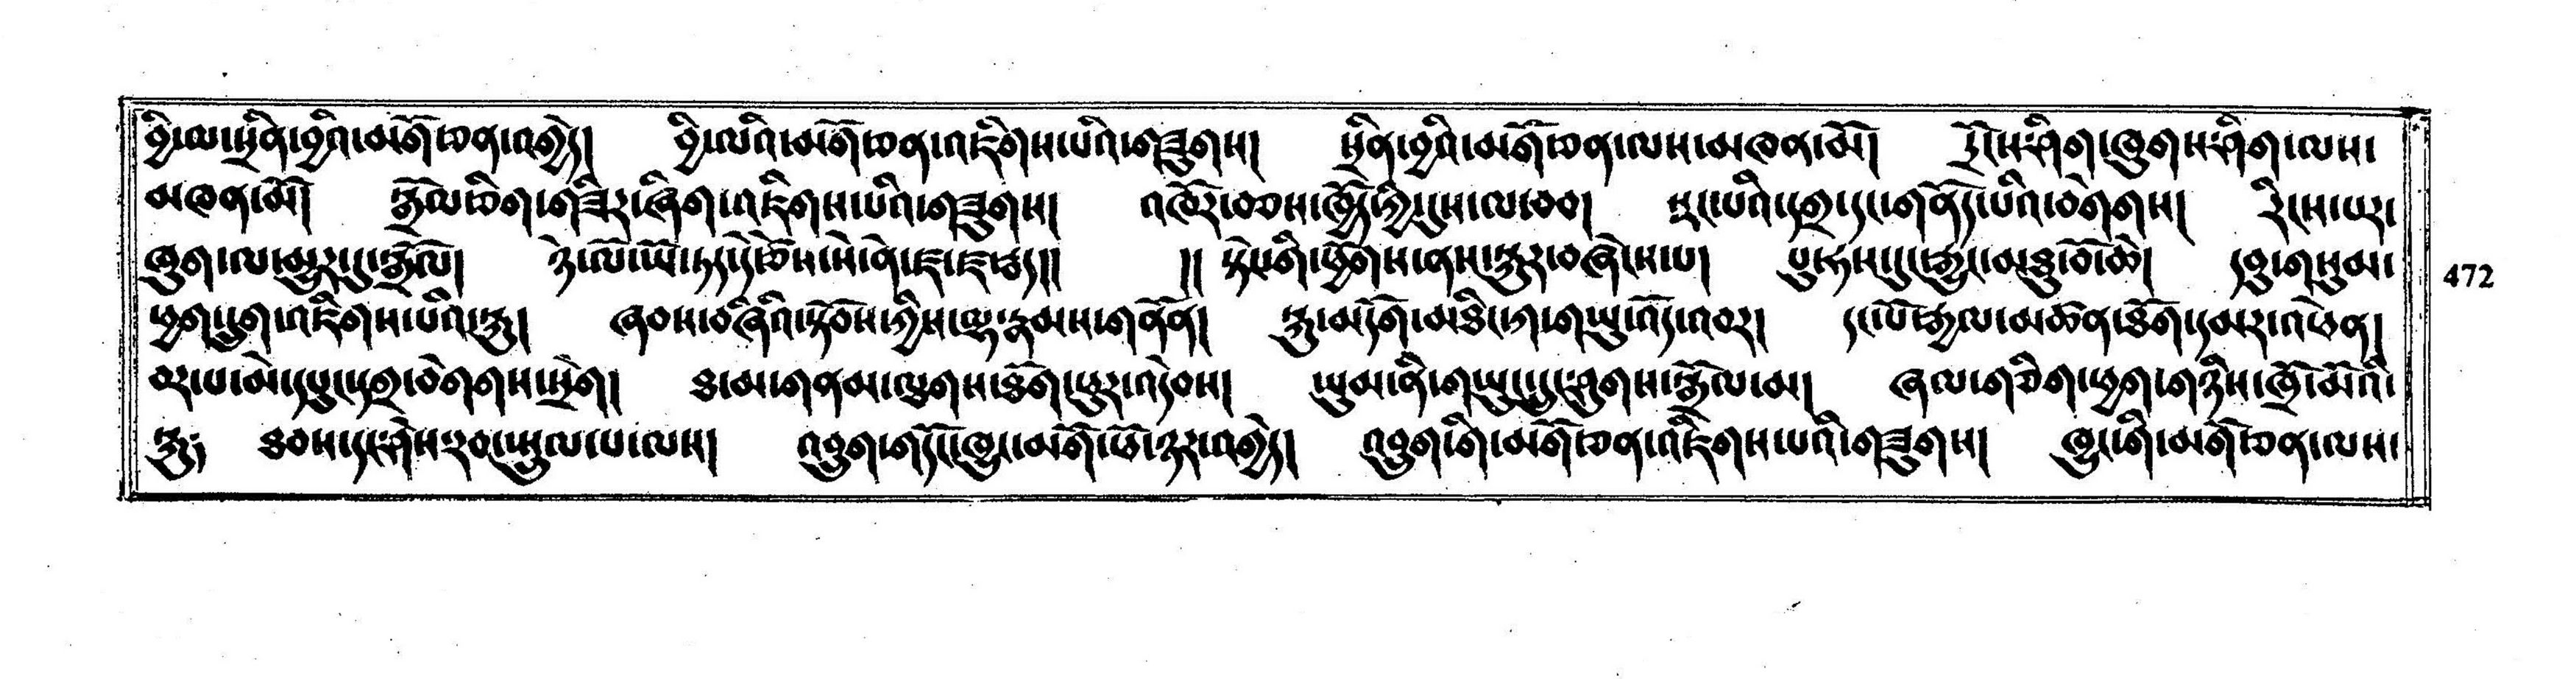བྱི་ལ་སྲིན་བྱའི་མགོ་ཅན་འགྱེད། བྱི་ལའི་མགོ་ཅན་འཇིགས་པའི་གཟུགས། སྲིན་བྱའི་མགོ་ཅན་ལས་མཁན་མོ། དྲོངས་ཤིག་ཁུགས་ཤིག་ལས་
མཁན་མོ། སྒྲོལ་ཅིག་གཟིར་ཞིག་འཇིགས་པའི་གཟུགས། འཁོར་བཅས་ཁྱོད་ཀྱི་དུས་ལ་བབ། སྡང་པའི་དགྲ་དང་གནོད་པའི་བགེགས། རིངས་པར་
ཁུག་ལ་མྱུར་དུ་སྒྲོལ། ཉེ་ལོ་ཡོ་ཏད་དེ་ཙེས་སེ་ནེ་ཛ་ཛ་རྦད།། །།སྟེང་གི་ཕྱོགས་ནས་སྐུར་བཞེངས་པ། པུ་ཧས་དུང་རྒྱུང་མཐུ་བོ་ཆེ། དབུ་གསུམ་
ཕྱག་དྲུག་འཇིགས་པའི་སྐུ། ཞབས་བཞིའི་སྟོབས་ཀྱིས་ལྷ་རྣམས་གནོན། སྐུ་མདོག་མཐིང་ཀ་གཡུ་འོད་འབར། དང་པོ་རྒྱལ་མཚན་ཐོག་དམར་འཕེན། 
བར་པ་མེ་དཔུང་དགྲ་བགེགས་སྲེག ཐ་མ་གནམ་ལྕགས་ཐོག་ཕུར་འདེབས། ཡུམ་ནི་གཡུང་དྲུང་ཤུགས་སྒྲོལ་མ། ཞལ་གཅིག་ཕྱག་གཉིས་ཁྲོ་མོའི་
སྐུ། ཐབས་དང་ཤེས་རབ་སྤྲུལ་པ་ལས། འབྲུག་གདོང་ཁྱུང་མགོ་ཕོ་ཉར་འགྱེད། འབྲུག་གི་མགོ་ཅན་འཇིགས་པའི་གཟུགས། ཁྱུང་གི་མགོ་ཅན་ལས་